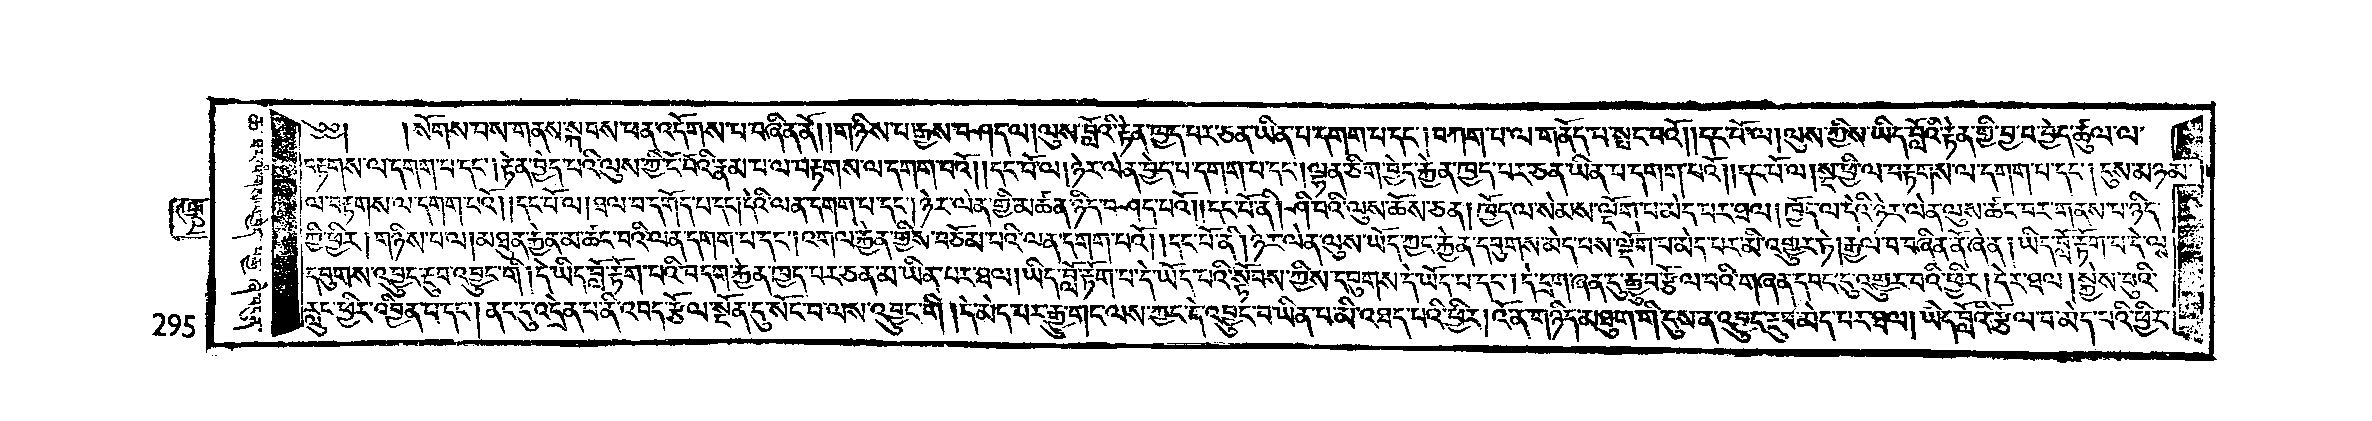༄༅། །སོགས་པས་གནས་སྐབས་ཕན་འདོགས་པ་བཞིན་ནོ། །གཉིས་པ་རྒྱས་བཤད་ལ། ལུས་བློའི་རྟེན་ཁྱད་པར་ཅན་ཡིན་པ་དགག་པ་དང་། བཀག་པ་ལ་གནོད་པ་སྤང་བའོ། །དང་པོ་ལ། ལུས་ཀྱིས་ཡིད་བློའི་རྟེན་གྱི་བྱ་བ་བྱེད་ཚུལ་ལ་
བརྟགས་ལ་དགག་པ་དང་། རྟེན་བྱེད་པའི་ལུས་ཀྱི་ངོ་བོའི་རྣམ་པ་ལ་བརྟགས་ལ་དགག་པའོ། །དང་པོ་ལ། ཉེར་ལེན་བྱེད་པ་དགག་པ་དང་། ལྷན་ཅིག་བྱེད་རྐྱེན་ཁྱད་པར་ཅན་ཡིན་པ་དགག་པའོ། །དང་པོ་ལ། སྔ་ཕྱི་ལ་བརྟགས་ལ་དགག་པ་དང་། དུས་མཉམ་
ལ་བརྟགས་ལ་དགག་པའོ། །དང་པོ་ལ། ཐལ་བ་དགོད་པ་དང་། དེའི་ལན་དགག་པ་དང་། ཉེར་ལེན་གྱི་མཚན་ཉིད་བཤད་པའོ། །དང་པོ་ནི། ཤི་བའི་ལུས་ཆོས་ཅན། ཁྱོད་ལ་སེམས་ལྡོག་པ་མེད་པར་ཐལ། ཁྱོད་ལ་དེའི་ཉེར་ལེན་ལུས་ཚང་བར་གནས་པ་ཉིད་
ཀྱི་ཕྱིར། གཉིས་པ་ལ། མཐུན་རྐྱེན་མ་ཚང་བའི་ལན་དགག་པ་དང་། འགལ་རྐྱེན་གྱིས་བཅོམ་པའི་ལན་དགག་པའོ། །དང་པོ་ནི། ཉེར་ལེན་ལུས་ཡོད་ཀྱང་རྐྱེན་དབུགས་མེད་པས་ལྡོག་པ་མེད་པར་མི་འགྱུར་ཏེ། རྒྱལ་བ་བཞིན་ནོ་ཞེ་ན། ཡིད་བློ་རྟོག་པ་དེ་ལས་
དབུགས་འབྱུང་རྔུབ་འབྱུང་གི །དེ་ཡིད་བློ་རྟོག་པའི་བདག་རྐྱེན་ཁྱད་པར་ཅན་མ་ཡིན་པར་ཐལ། ཡིད་བློ་རྟོག་པ་དེ་ཡོད་པའི་སྟོབས་ཀྱིས་དབུགས་དེ་ཡོད་པ་དང་། དེ་དྲག་ཞན་དུ་རྒྱུ་བ་རྩོལ་བའི་གཞན་དབང་དུ་འགྱུར་བའི་ཕྱིར། དེར་ཐལ། སྐྱེས་བུའི་
རླུང་ཕྱིར་འབྱིན་པ་དང་། ནང་དུ་འདྲེན་པ་ནི་འབད་རྩོལ་སྔོན་དུ་སོང་བ་ལས་འབྱུང་གི །དེ་མེད་པར་རྒྱུ་གང་ལས་ཀྱང་དེ་འབྱུང་བ་ཡིན་པ་མི་འཐད་པའི་ཕྱིར། འོ་ན་གཉིད་མཐུག་གི་དུས་ན་འབྱུང་རྔུབ་?་མེད་པར་ཐལ། ཡིད་བློའི་རྩོལ་བ་མེད་པའི་ཕྱིར་